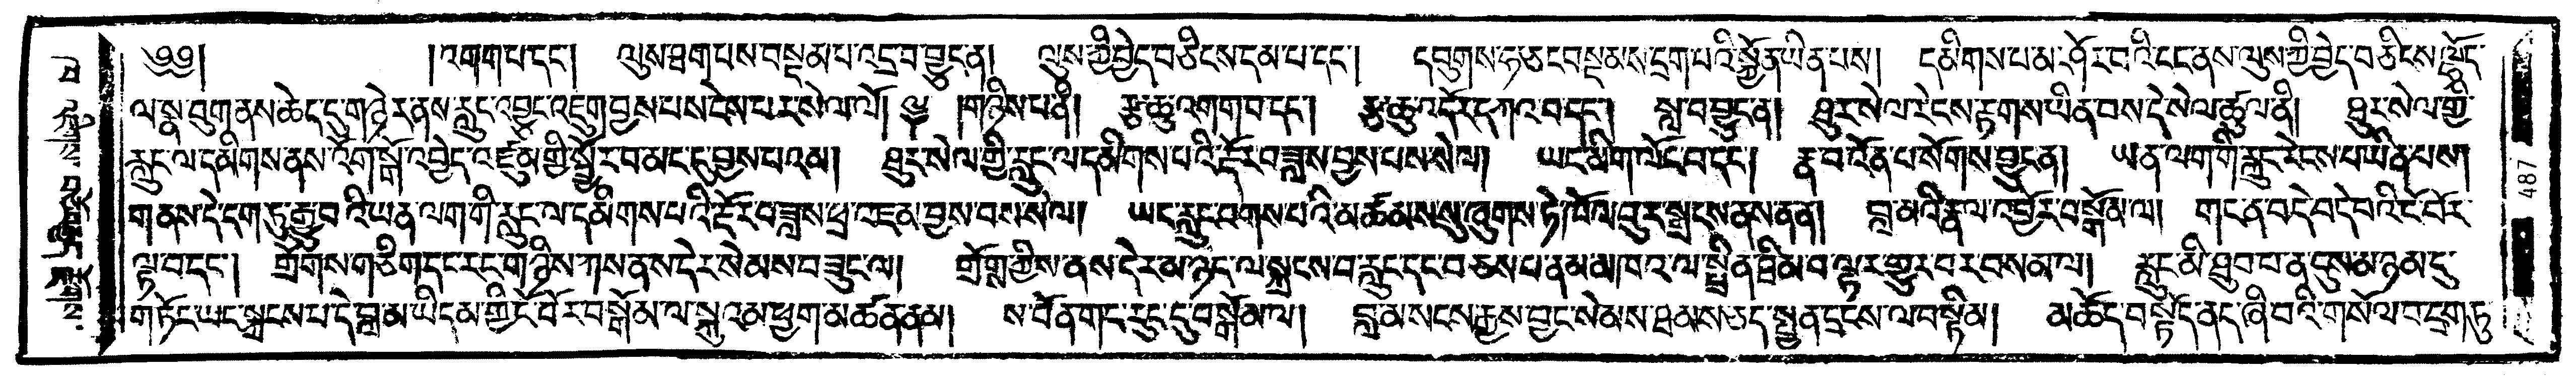༄༅། །འགག་པ་དང་། ལུས་ཐག་པས་བསྡམ་པ་འདྲ་བ་བྱུང་ན། ལུས་ཀྱི་བྱེད་བཅིངས་དམ་པ་དང་། དབུགས་ཧ་ཅང་བསྡམས་དྲག་པའི་སྐྱོན་ཡིན་པས། དམིགས་པ་མ་ཤོར་བའི་ངང་ནས་ལུས་ཀྱི་བྱེད་བཅིངས་ལྷོད་
ལ་སྣ་བུག་ནས་ཆེད་དུ་གཉེར་ནས་རླུང་འབྱུང་འཇུག་བྱས་པས་ངེས་པར་སེལ་ལོ། ༈ །གཉིས་པ་ནི། རྩ་ཆུ་འགག་པ་དང་། རྩ་ཆུ་འདོར་དཀའ་བ་དང་། སླ་བ་བྱུང་ན། ཐུར་སེལ་རེངས་རྟགས་ཡིན་བས་དེ་སེལ་ཚུལ་ནི། ཐུར་སེལ་གྱི་
རླུང་ལ་དམིགས་ནས་འོག་སྒོ་འབྱེད་འཛུམ་གྱི་སྦྱོར་བ་མང་དུ་བྱས་པའམ། ཐུར་སེལ་གྱི་རླུང་ལ་དམིགས་པའི་རྡོར་བཟླས་བྱས་པས་སེལ། ཡང་མིག་ལོང་བ་དང་། རྣ་བ་འོན་པ་སོགས་བྱུང་ན། ཡན་ལག་གི་རླུང་རེངས་པ་ཡིན་པས།
གནས་དེ་དག་ཏུ་རྒྱུ་བའི་ཡན་ལག་གི་རླུང་ལ་དམིགས་པའི་རྡོར་བཟླས་ཕྲ་འཇམ་བྱས་བས་སེལ། ཡང་རླུང་འགས་བའི་མཚམས་སུ་ཞུགས་ཏེ་ཁོ་ལ་བུར་སྒྲངས་ནས་ནན། བླ་མའི་རྣལ་འབྱོར་བསྒོམ་ལ། གང་ན་བདེ་བདེ་བའི་ངོ་བོར་
ལྟ་བ་དང་། གྲོགས་གཅིག་དང་རང་གཉིས་ཀས་ནས་དེར་སེམས་བཟུང་ལ། གྲོགས་ཀྱིས་ནས་དེར་མ་ཉིད་ལ་སྐྲངས་བ་རླུང་དང་བཅས་པ་ནམ་མཁའ་ལ་སྤྲིན་ཐིམ་བ་ལྟར་གྱུར་པར་བསམ་ལ། རླུང་མི་ཐུབ་པ་ན་དུས་མཉམ་དུ་
གཏོང་ཡང་སྐྲངས་པ་དེ་བླ་མ་ཡི་དམ་གྱི་ངོ་བོར་བསྒོམ་ལ་སྐུའམ་ཕྱག་མཚན་ནས། ས་བོན་གང་རུང་དུ་བསྒོམ་ལ། བླ་མ་སངས་རྒྱས་བྱང་སེམས་ཐམས་ཅད་སྤྱན་དྲངས་ལ་བསྟིམ། མཆོད་བསྟོད་ནད་ཞི་བའི་གསོལ་བ་དྲག་ཏུ་